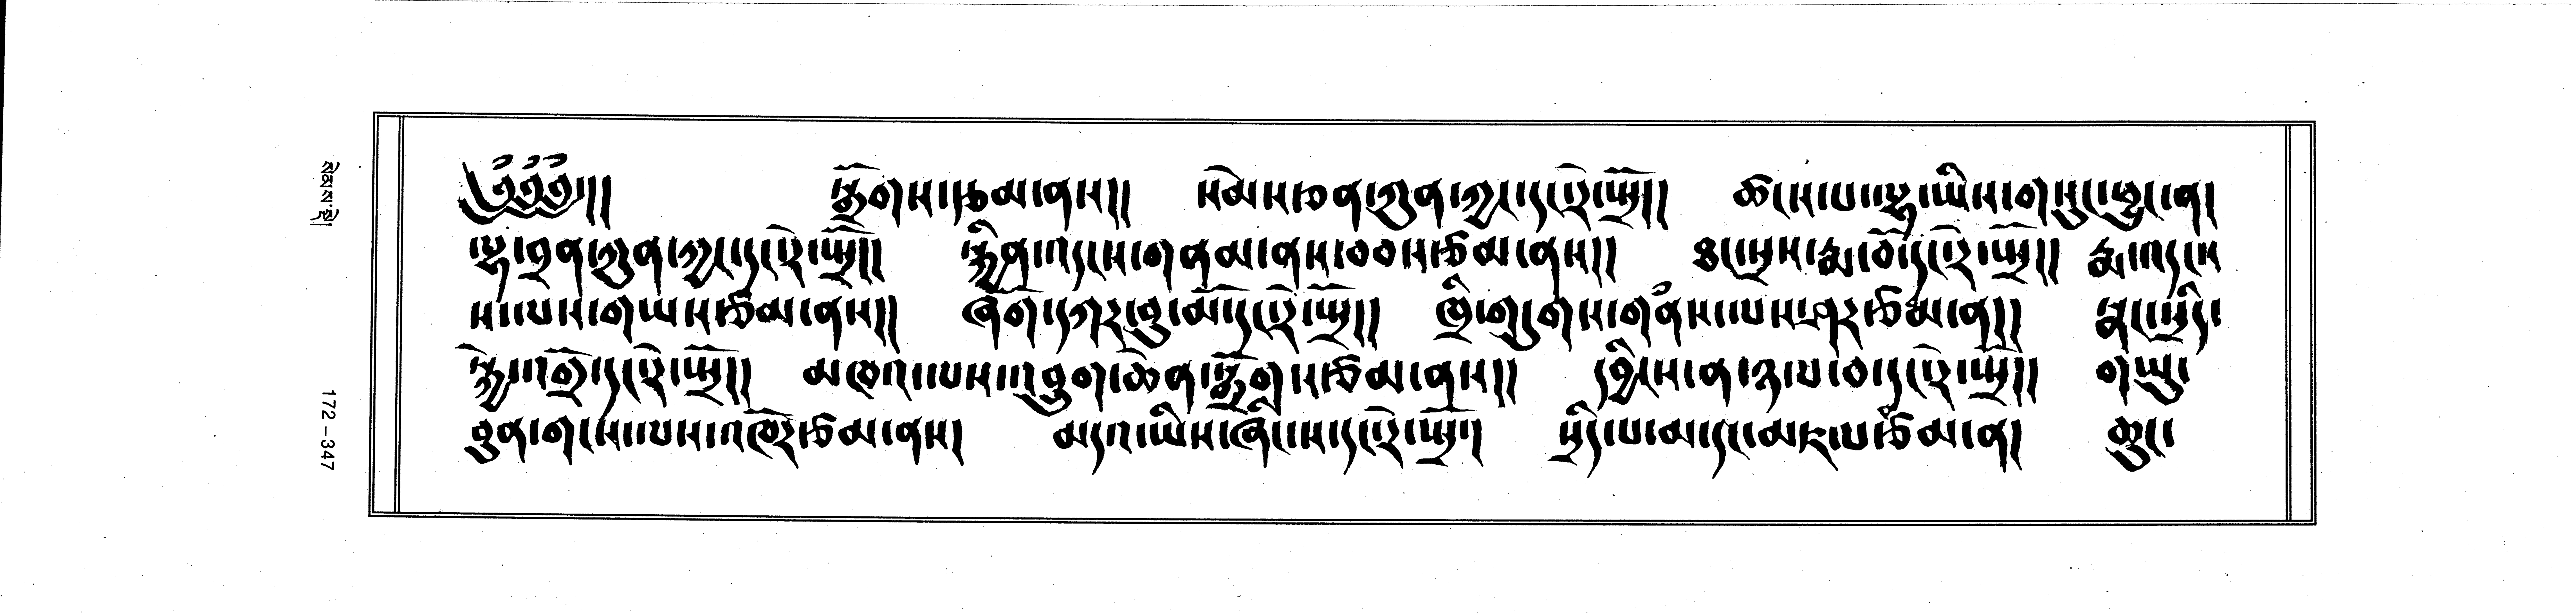སྒྲོགས་ཙམ་ནས། སེམས་ཅན་ཀུན་ཀྱང་དྭངས་རེ་སྤྲོ། ཚངས་པ་ལྷ་ཡིས་གསུང་ཕྱུང་ན། 
ལྷ་བྲན་ཀུན་ཀྱང་དྭངས་རེ་སྤྲོ། སྐྱིན་འདངས་གནམ་ནས་བབས་ཙམ་ནས། ཐང་སྲས་རྨ་བོ་དྭངས་རེ་སྤྲོ། རྨ་འདངས་
ས་ལས་གཡོས་ཙམ་ནས། ཞོག་དཀར་བུ་མོ་དྭངས་རེ་སྤྲོ། ཁྲི་གདུགས་གནམ་ལས་ཤར་ཙམ་ན། སྣང་སྲིད་
སྐྱེ་འགྲོ་དྭངས་རེ་སྤྲོ། མཁའ་ལས་འབྲུག་ཆེན་སྒྲོགས་ཙམ་ནས། དབྱིངས་ན་ཉལ་བ་དྭངས་རེ་སྤྲོ། གཡུང་
བུན་གངས་ལས་འཁོར་ཙམ་ནས། མདའ་ཡིས་ཞིང་ས་དྭངས་རེ་སྤྲོ། སྲིད་པ་མ་དྭངས་འཇལ་ཙམ་ན། ཆུང་